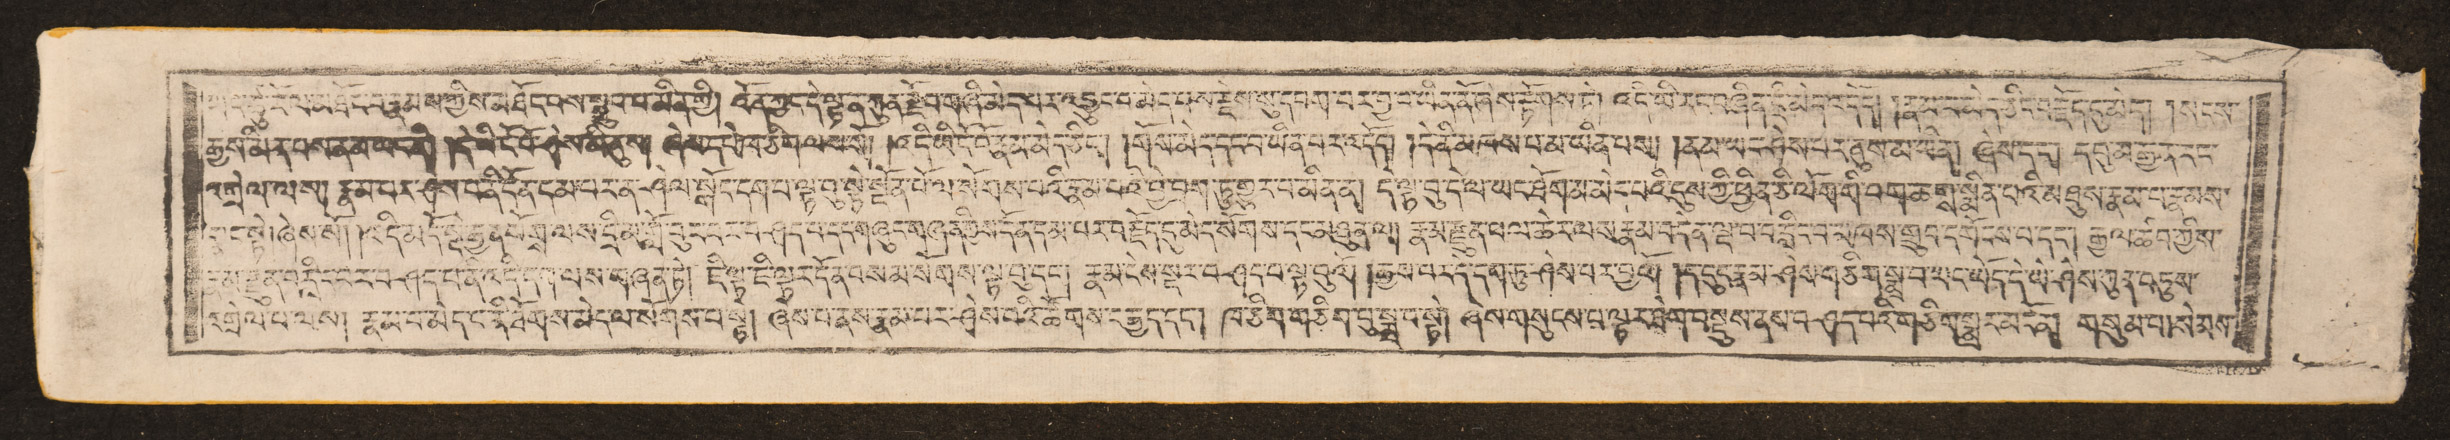ཡང་ཚུ་རོལ་མཐོང་བ་རྣམས་ཀྱིས་མཐོང་བས་སྒྲུབ་པ་མིན་གྱི། འོན་ཀྱང་དེ་ལྟ་ན་ཀུན་རྫོབ་གཞི་མེད་པར་འབྱུང་བ་མེད་པས་རྗེས་སུ་དཔག་པར་བྱ་བ་ཡིན་ནོ་ཞེས་རྟོགས་ཏེ། འདི་ཡི་རང་བཞིན་དྲི་མེད་འདོད། །རྣམ་པ་མེད་ཅིང་བརྗོད་དུ་མེད།།
སངས་རྒྱས་མིན་པས་ནམ་ཡང་ནི། །དེ་ཡི་ངོ་བོ་ཤེས་མི་ནུས། ཞེས་དཔེ་ཁ་ཅིག་ལས་སོ། འདི་ཡི་ངོ་བོ་རྣམ་མེད་ཅིང་། །གོས་མེད་དང་བ་ཡིན་པར་འདོད། །དེ་ནི་མཁས་པ་མ་ཡིན་པས། །ནམ་ཡང་ཤེས་པར་ནུས་མ་ཡིན། ཞེས་དང་། དབུ་མ་རྒྱན་
རང་འགྲེལ་ལས། རྣམ་པར་ཤེས་པ་ནི་དོན་དམ་པར་ན་ཤེལ་སྒོང་དག་པ་ལྟ་བུ་སྟེ་སྔོན་པོ་ལ་སོགས་པའི་རྣམ་པའི་བྱེ་བྲག་ཏུ་གྱུར་པ་མིན་ན། དེ་ལྟ་བུ་དེ་ལ་ཡང་ཐོག་མ་མེད་པའི་དུས་ཀྱི་ཕྱིན་ཅི་ལོག་གི་བག་ཆགས་སྨིན་པའི་མཐུས་རྣམ་པ་རྣམས་སྣང་སྟེ།
ཞེས་སོ། འདི་མདོ་སྡེ་རྒྱན་སོགས་ལས་དྲི་མ་གློ་བུར་བར་བཤད་པ་དང་གཞུང་གཞན་གྱིས་དོན་དམ་པར་བརྗོད་དུ་མེད་སོགས་དང་མཐུན་ལ། རྣམ་རྫུན་ཕལ་ཆེར་ལས་རྣམ་བདེན་ལྔ་པ་བརླིང་བ་མཁས་གྲུབ་དགོངས་པ་དང་། རྒྱལ་ཚབ་ཀྱིས་རྣམ་
རྫུན་བརླིང་བར་བཤད་པ་ནི་འདི་དག་ལས་གཞན་ཏེ། ཇི་ལྟ་ཇི་ལྟར་དོན་བསམ་སོགས་ལྟ་བུ་དང་། རྣམ་ངེས་སྔར་བཤད་པ་ལྟ་བུའོ། རྒྱས་པར་དེ་དག་ཏུ་ཤེས་པར་བྱའོ། །ད་དུང་རྣམ་ཤེས་གཅིག་སྨྲ་བ་ཡང་ཡོད་དེ་ཡེ་ཤེས་ཀུན་བཏུས་
འགྲེལ་བ་ལས། རྣམ་པ་མེད་པ་ནི་ཐོགས་མེད་ལ་སོགས་པ་སྟེ། ཞེས་པ་ནས་རྣམ་པར་ཤེས་པའི་ཚོགས་བརྒྱད་དང་། ཁ་ཅིག་གཅིག་བུ་སྨྲ་བ་སྟེ། ཞེས་གསུངས་པ་ལྟར་ཐེག་བསྡུས་ནས་བཤད་པའི་གཅིག་སྨྲར་མངོན། གསུཾ་པ། སེམས་